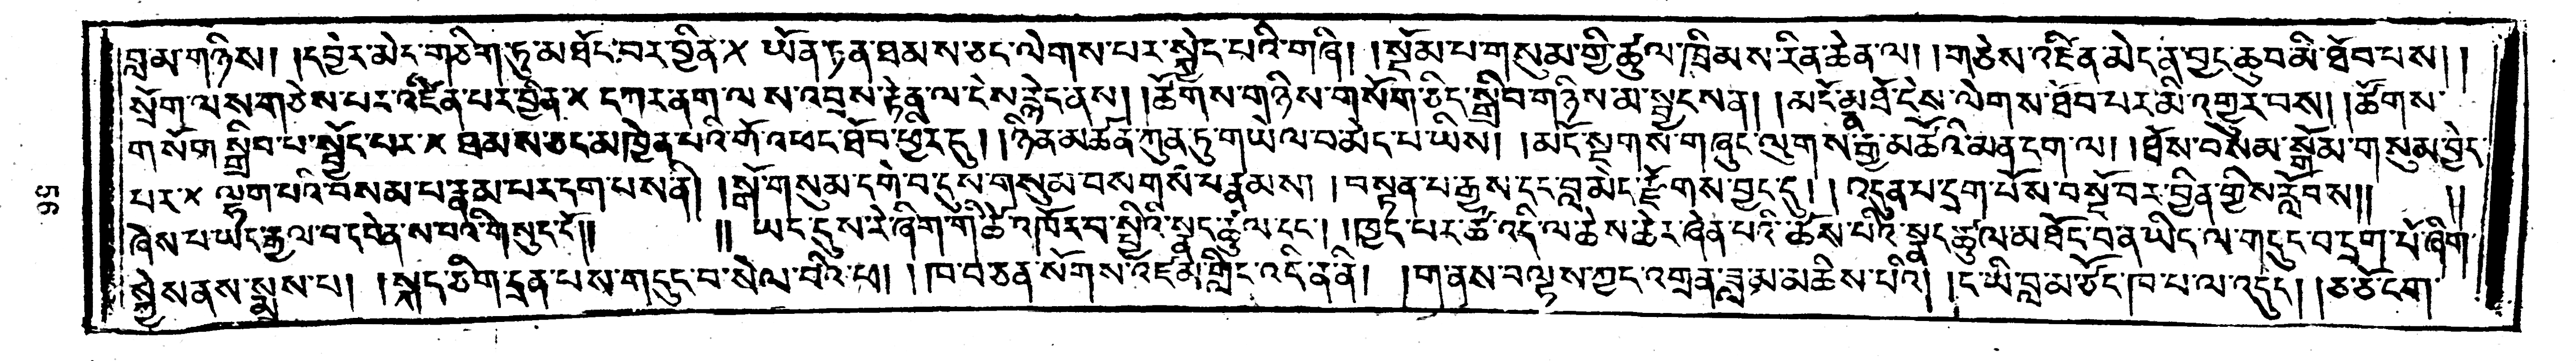བླ་མ་གཉིས། །དབྱེར་མེད་གཅིག་ཏུ་མཐོང་བར་བྱིན་྾་ཡོན་ཏན་ཐམས་ཅད་ལེགས་པར་སྐྱེད་པའི་གཞི། །སྡོམ་པ་གསུམ་གྱི་ཚུལ་ཁྲིམས་རིན་ཆེན་ལ། །གཅེས་འཛིན་མེད་ན་བྱང་ཆུབ་མི་ཐོབ་པས། །
སྲོག་ལས་གཅེས་པར་འཛིན་པར་བྱིན་྾་དཀར་ནག་ལས་འབྲས་རྟེན་ལ་ངེས་རྙེད་ནས། །ཚོགས་གཉིས་གསོག་ཅིད་སྒྲིབ་གཉིས་མ་སྦྱངས་ན། །མདོ་མནཐོ་དེས་ལེགས་ཐོབ་པར་མི་འགྱུར་བས། །ཚོགས་
གསོག་སྒྲིབ་པ་སྦྱོང་པར་྾་ཐམས་ཅད་མཁྱེན་པའི་གོ་འཕང་ཐོབ་ཕྱིར་དུ། །ཉིན་མཚན་ཀུན་ཏུ་གཡེལ་བ་མེད་པ་ཡིས། །མདོ་སྔགས་གཞུང་ལུགས་རྒྱ་མཚོའི་མན་ངག་ལ། །ཐོས་བསམ་སྒོམ་གསུམ་བྱེད་
པར་྾་ལྷག་པའི་བསམ་པ་རྣམ་པར་དག་པས་ནི། །སྒོ་གསུམ་དགེ་བ་དུས་གསུམ་བསགས་པ་རྣམས། །བསྟན་པ་རྒྱས་དང་བླ་མེད་རྫོགས་བྱང་དུ། །འདུན་པ་དྲག་པོས་བསྔོ་བར་བྱིན་གྱིས་རློབས།། །།
ཞེས་པ་ཡང་རྒྱལ་བ་དབེན་ས་པའི་གསུང་ངོ།། །།ཡང་དུས་རེ་ཞིག་གི་ཚེ་འཁོར་བ་སྤྱིའི་སྣང་ཚུལ་དང་། །ཁྱད་པར་ཚེ་འདི་ལ་ཆེས་ཆེར་ཞེན་པའི་ཆོས་པའི་སྣང་ཚུལ་མཐོང་བ་ན་ཡིད་ལ་གདུང་བ་དྲག་པོ་ཞིག་
སྐྱེས་ནས་སྨྲས་པ། །སྐད་ཅིག་དྲན་པས་གདུང་བ་སེལ་བའི་ཕ། །ཁ་བ་ཅན་སོགས་འཛམ་གླིང་འདི་ན་ནི། །ག་ནས་བལྟས་ཀྱང་འགྲན་ཟླ་མ་མཆིས་པའི། །ད་ཡི་བླ་མ་ཙོང་ཁ་པ་ལ་འདུད། །ཅ་ཅོ་ངག་